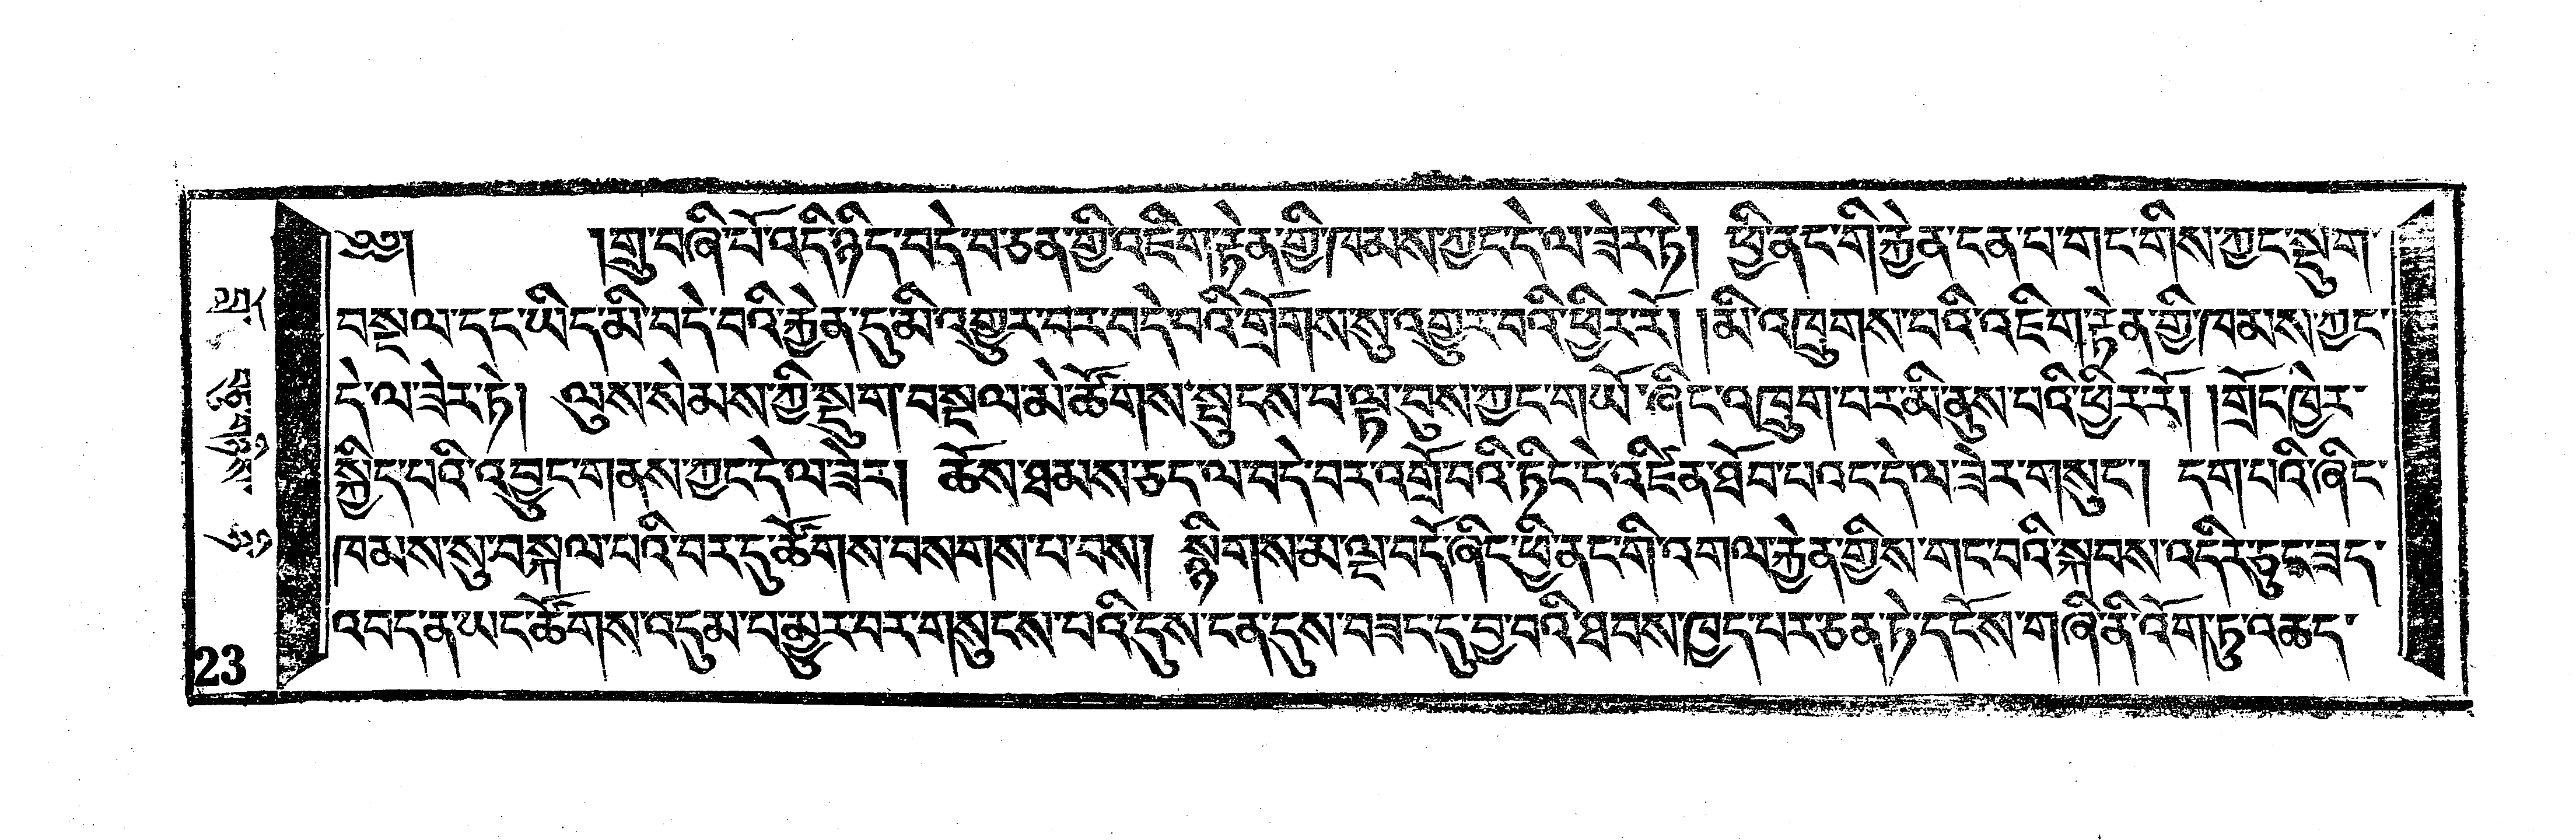༄༅། །གྲུ་བཞི་པོ་འདི་ཉིད་བདེ་བ་ཅན་གྱི་འཇིག་རྟེན་གྱི་ཁམས་ཀྱང་དེ་ལ་ཟེར་ཏེ། ཕྱི་ནང་གི་རྐྱེན་ངན་པ་གང་གིས་ཀྱང་སྡུག་
བསྔལ་དང་ཡིད་མི་བདེ་བའི་རྐྱེན་དུ་མི་འགྱུར་བར་བདེ་བའི་གྲོགས་སུ་འགྱུར་བའི་ཕྱིར་རོ། །མི་འཁྲུགས་པའི་འཇིག་རྟེན་གྱི་ཁམས་ཀྱང་
དེ་ལ་ཟེར་ཏེ། ལུས་སེམས་ཀྱི་སྡུག་བསྔལ་མེ་ཚོགས་སྤུངས་པ་ལྟ་བུས་ཀྱང་གཡོ་ཞིང་འཁྲུག་པར་མི་ནུས་པའི་ཕྱིར་རོ། །གྲོང་ཁྱེར་
སྐྱིད་པའི་འབྱུང་གནས་ཀྱང་དེ་ལ་ཟེར། ཆོས་ཐམས་ཅད་ལ་བདེ་བར་འགྲོ་བའི་ཏིང་ངེ་འཛིན་ཐོབ་པའང་དེ་ལ་ཟེར་གསུང་། དག་པའི་ཞིང་
ཁམས་སུ་བསྐལ་བའི་བར་དུ་ཚོགས་བསགས་པ་བས། སྙིགས་མ་ལྔ་བདོ་ཞིང་ཕྱི་ནང་གི་འགལ་རྐྱེན་གྱིས་གང་བའི་སྐབས་འདིར་ཅུང་ཟད་
འབད་ན་ཡང་ཚོགས་འདུམ་པ་མྱུར་བར་གསུངས་པའི་དུས་ངན་དུས་བཟང་དུ་བྱ་བའི་ཐབས་ཁྱད་པར་ཅན་ཏེ་དངོས་གཞི་ནི་འོག་ཏུ་འཆད་